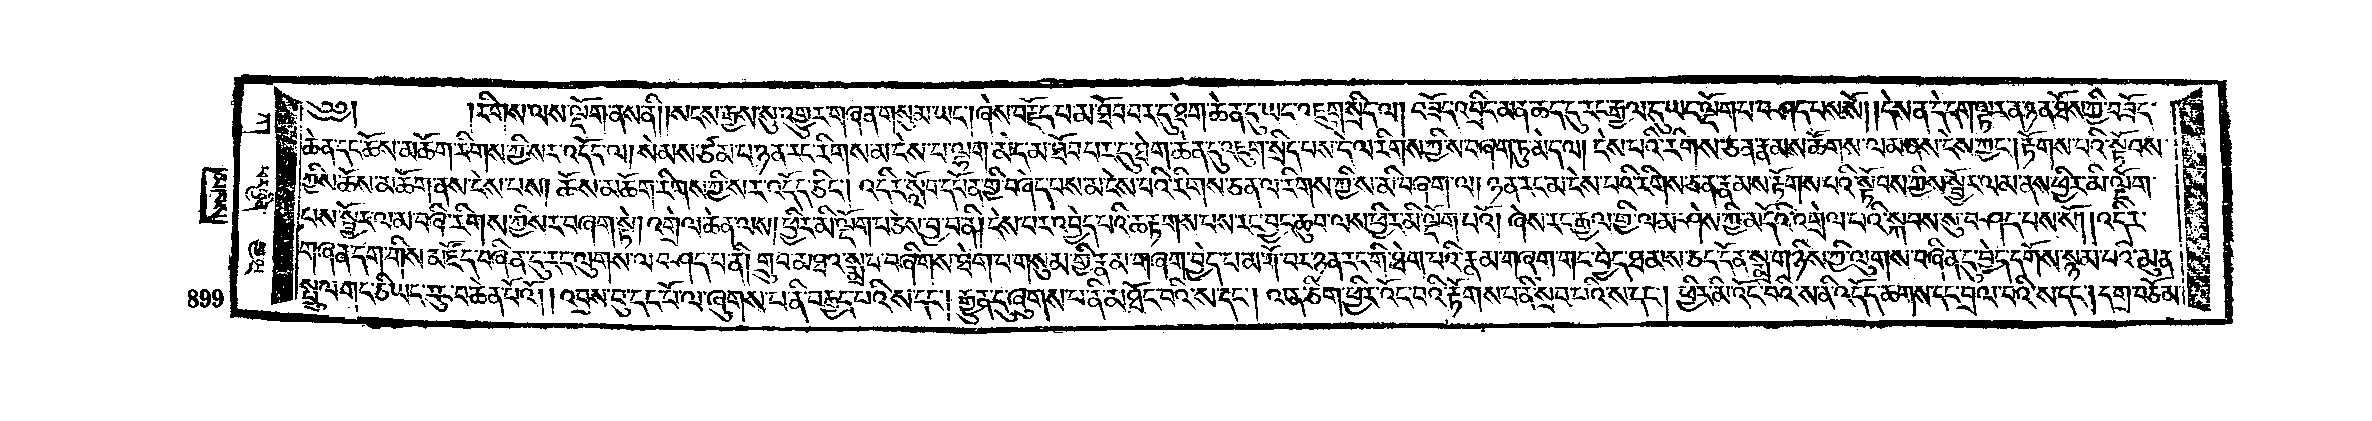༄༅། །རིགས་ལས་ལྡོག་ནས་ནི། །སངས་རྒྱས་སུ་འགྱུར་གཞན་གསུམ་ཡང་། ཞེས་བརྗོད་པ་མ་ཐོབ་བར་དུ་ཐེག་ཆེན་དུ་ཡང་འཇུག་སྲིད་ལ། བཟོད་འབྲིང་མན་ཆད་དུ་རང་རྒྱལ་དུ་ཡང་ལྡོག་པ་བཤད་པས་སོ། །དེས་ན་དེ་དག་ལྟར་ན་ཉན་ཐོས་ཀྱི་བཟོད་
ཆེན་དང་ཆོས་མཆོག་རིགས་ཀྱི་སར་འདོད་ལ། སེམས་ཙམ་པ་ཉན་རང་རིགས་མ་ངེས་པ་ལྷག་མེད་མ་ཐོབ་པར་དུ་ཐེག་ཆེན་དུ་འཇུག་སྲིད་པས་དེ་ལ་རིགས་ཀྱི་ས་བཞག་ཏུ་མེད་ལ། ངེས་པའི་རིགས་ཅན་རྣམས་ཚོགས་ལམ་ནས་ངེས་ཀྱང་། རྟོགས་པའི་སྟོབས་
ཀྱིས་ཆོས་མཆོག་ནས་ངེས་པས། ཆོས་མཆོག་རིགས་ཀྱི་སར་འདོད་ཅིང་། འདིར་སློབ་དཔོན་གྱི་བཞེད་པས་མ་ངེས་པའི་རིགས་ཅན་ལ་རིགས་ཀྱི་ས་མི་བཞག་ལ། ཉན་རང་མ་ངེས་པའི་རིགས་ཅན་རྣམས་རྟོགས་པའི་སྟོབས་ཀྱིས་སྦྱོར་ལམ་ནས་ཕྱིར་མི་ལྡོག་
པས་སྦྱོར་ལམ་བཞི་རིགས་ཀྱི་སར་བཞག་སྟེ། འགྲེལ་ཆེན་ལས། ཕྱིར་མི་ལྡོག་པ་ཅེས་བྱ་བ་ནི། ངེས་པར་འབྱེད་པའི་ཆ་རྟགས་པས་རང་བྱང་ཆུབ་ལས་ཕྱིར་མི་ལྡོག་པའོ། ཞེས་རང་རྒྱལ་གྱི་ལམ་ཤེས་ཀྱི་མདོའི་འགྲེལ་པའི་སྐབས་སུ་བཤད་པས་སོ། །འདིར་
གཞན་དག་གིས་མཛོད་བཞིན་དུ་རང་ལུགས་ལ་བཤད་པ་ནི། གྲུབ་མཐའ་སྨྲ་བ་བཞི་གས་ཐེག་པ་གསུམ་གྱི་རྣམ་གཞག་བྱེད་པ་མ་གོ་བར་ཉན་རང་གི་ཐེག་པའི་རྣམ་གཞག་གང་བྱེད་ཐམས་ཅད་དོན་སྨྲ་གཉིས་ཀྱི་ལུགས་བཞིན་དུ་བྱེད་དགོས་སྙམ་པའི་མུན་
སྤྲུལ་གང་ཅི་ཡང་རུང་བ་ཆེན་པོའོ། །འབྲས་བུ་དང་པོ་ལ་ཞུགས་པ་ནི་བརྒྱད་པའི་ས་དང་། རྒྱུན་དུ་ཞུགས་པ་ནི་མཐོང་བའི་ས་དང་། ལན་ཅིག་ཕྱིར་འོང་བའི་རྟོགས་པ་ནི་སྲབ་པའི་ས་དང་། ཕྱིར་མི་འོང་བའི་ས་ནི་འདོད་ཆགས་དང་བྲལ་བའི་ས་དང་། དགྲ་བཅོམ་